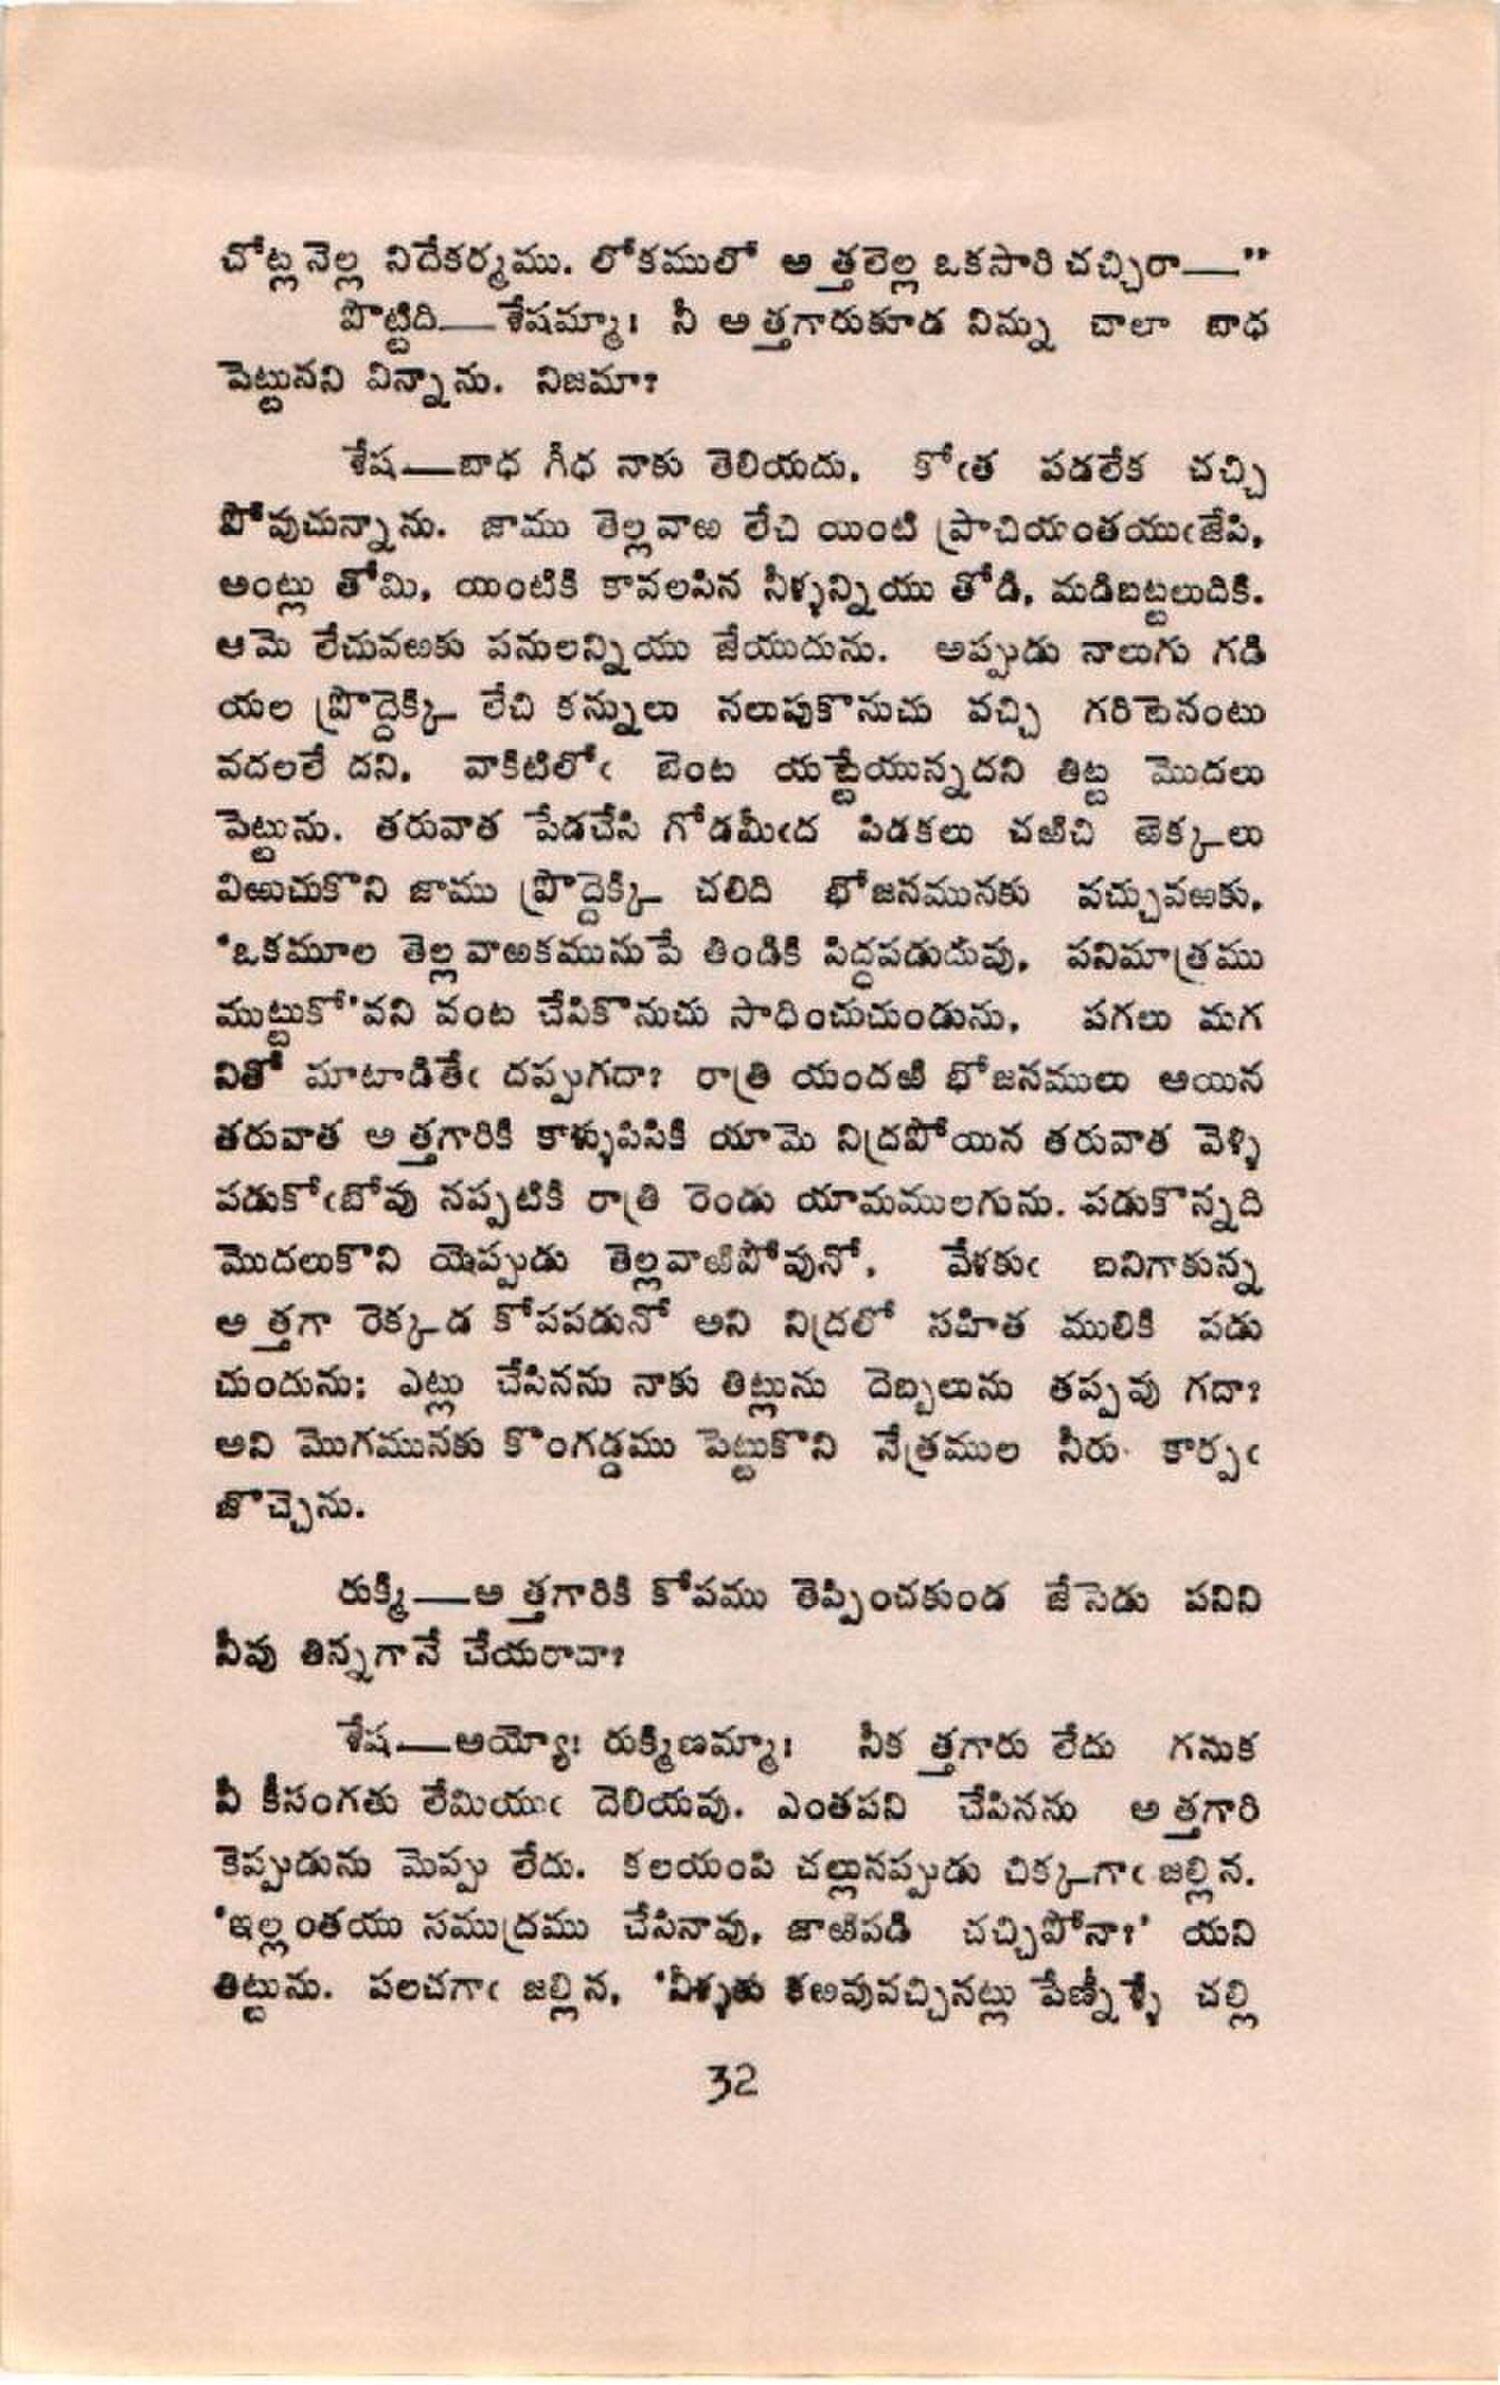చోట్లనెల్ల నిదేకర్మము. లోకములో ఆత్తలెల్ల ఒకసారి చచ్చిరా__" 

పొట్టిది__శేషమ్మా! నీ అత్తగారుకూడ నిన్ను చాలా బాధ పెట్టునని విన్నాను. నిజమా?

శేష__బాధ గీధ నాకు తెలియదు. కోత పడలేక చచ్చి పోవుచున్నాను. జాము తెల్లవాఱ లేచి యింటి ప్రాచియాంతయుఁజేసి, అంట్లు తోమి, యింటికి కావలసిన నీళ్ళన్నియు తోడి, మడిబట్టలుదికి, ఆమె లేచువఱకు పనులన్నియు జేయుదును. అప్పడు నాలుగు గడియల ప్రొద్దెక్కి లేచి కన్నులు నలుపుకొనుచు వచ్చి గరిటెనంటు వదలలేదని, వాకిటిలోఁ బెంట యట్టేదీయున్నదని తిట్ట మొదలు పెట్టును. తరువాత పేడచేసి గోడమీఁద పిడకలు చఱిచి ఱెక్కలు విఱుచుకొని జాము ప్రొద్దిక్కి చలిది భోజనమునకు వచ్చువఱకు, 'ఒక మూల తెల్లవాఱకమునుపే తిండికి సిద్ధపడుదుపు, పనిమాత్రము ముట్టుకోవని వంట చేసికొనుచు సాధించుచుండును, పగలు మగనితో మాటాడితే దప్పుగదా? రాత్రి యందఱి భోజనములు అయిన తరువాత అత్తగారికి కాళ్ళుపిసికి యామె నిద్రపోయిన తరువాత వెళ్ళి పడుకోఁబోవు నప్పటికి రాత్రి రెండు యామములగును. పడుకొన్నది మొదలుకొని యెప్పడు తెల్లవాఱిపోవునో, వేళకుఁ బనిగాకున్న అత్తగా రెక్కడ కోపపడునో అని నిద్రలో సహిత ములికి పడు చుందును; ఎట్లు చేసినను నాకు తిట్లును దెబ్బలను తప్పవు గదా? అని మొగమునకు కొంగడ్డము పెట్టుకొని నేత్రముల నీరు కార్పఁ జొచ్చెను.

రుక్మి__అత్తగారికి కోపము తెప్పించకుండ జేసెడు పనిని నీవు తిన్నగానే చేయరాదా?

శేష__అయ్యో! రుక్మిణమ్మా! నీక త్తగారు లేదు గనుక నీ కీసంగతు లేమియుఁ దెలియవు. ఎంతపని చేసినను అత్తగారి కెప్పుడును మెప్పు లేదు. కలయంపి చల్లునప్పుడు చిక్కగాఁ జల్లిన. 'ఇల్లంతయు సముద్రము చేసినావు, జాఱిపడి చచ్చిపోనా" యని తిట్టును. పలచగాఁ జల్లిన, "నీళ్ళకు కఱవువచ్చినట్లు పేణ్నీళ్ళే చల్లి